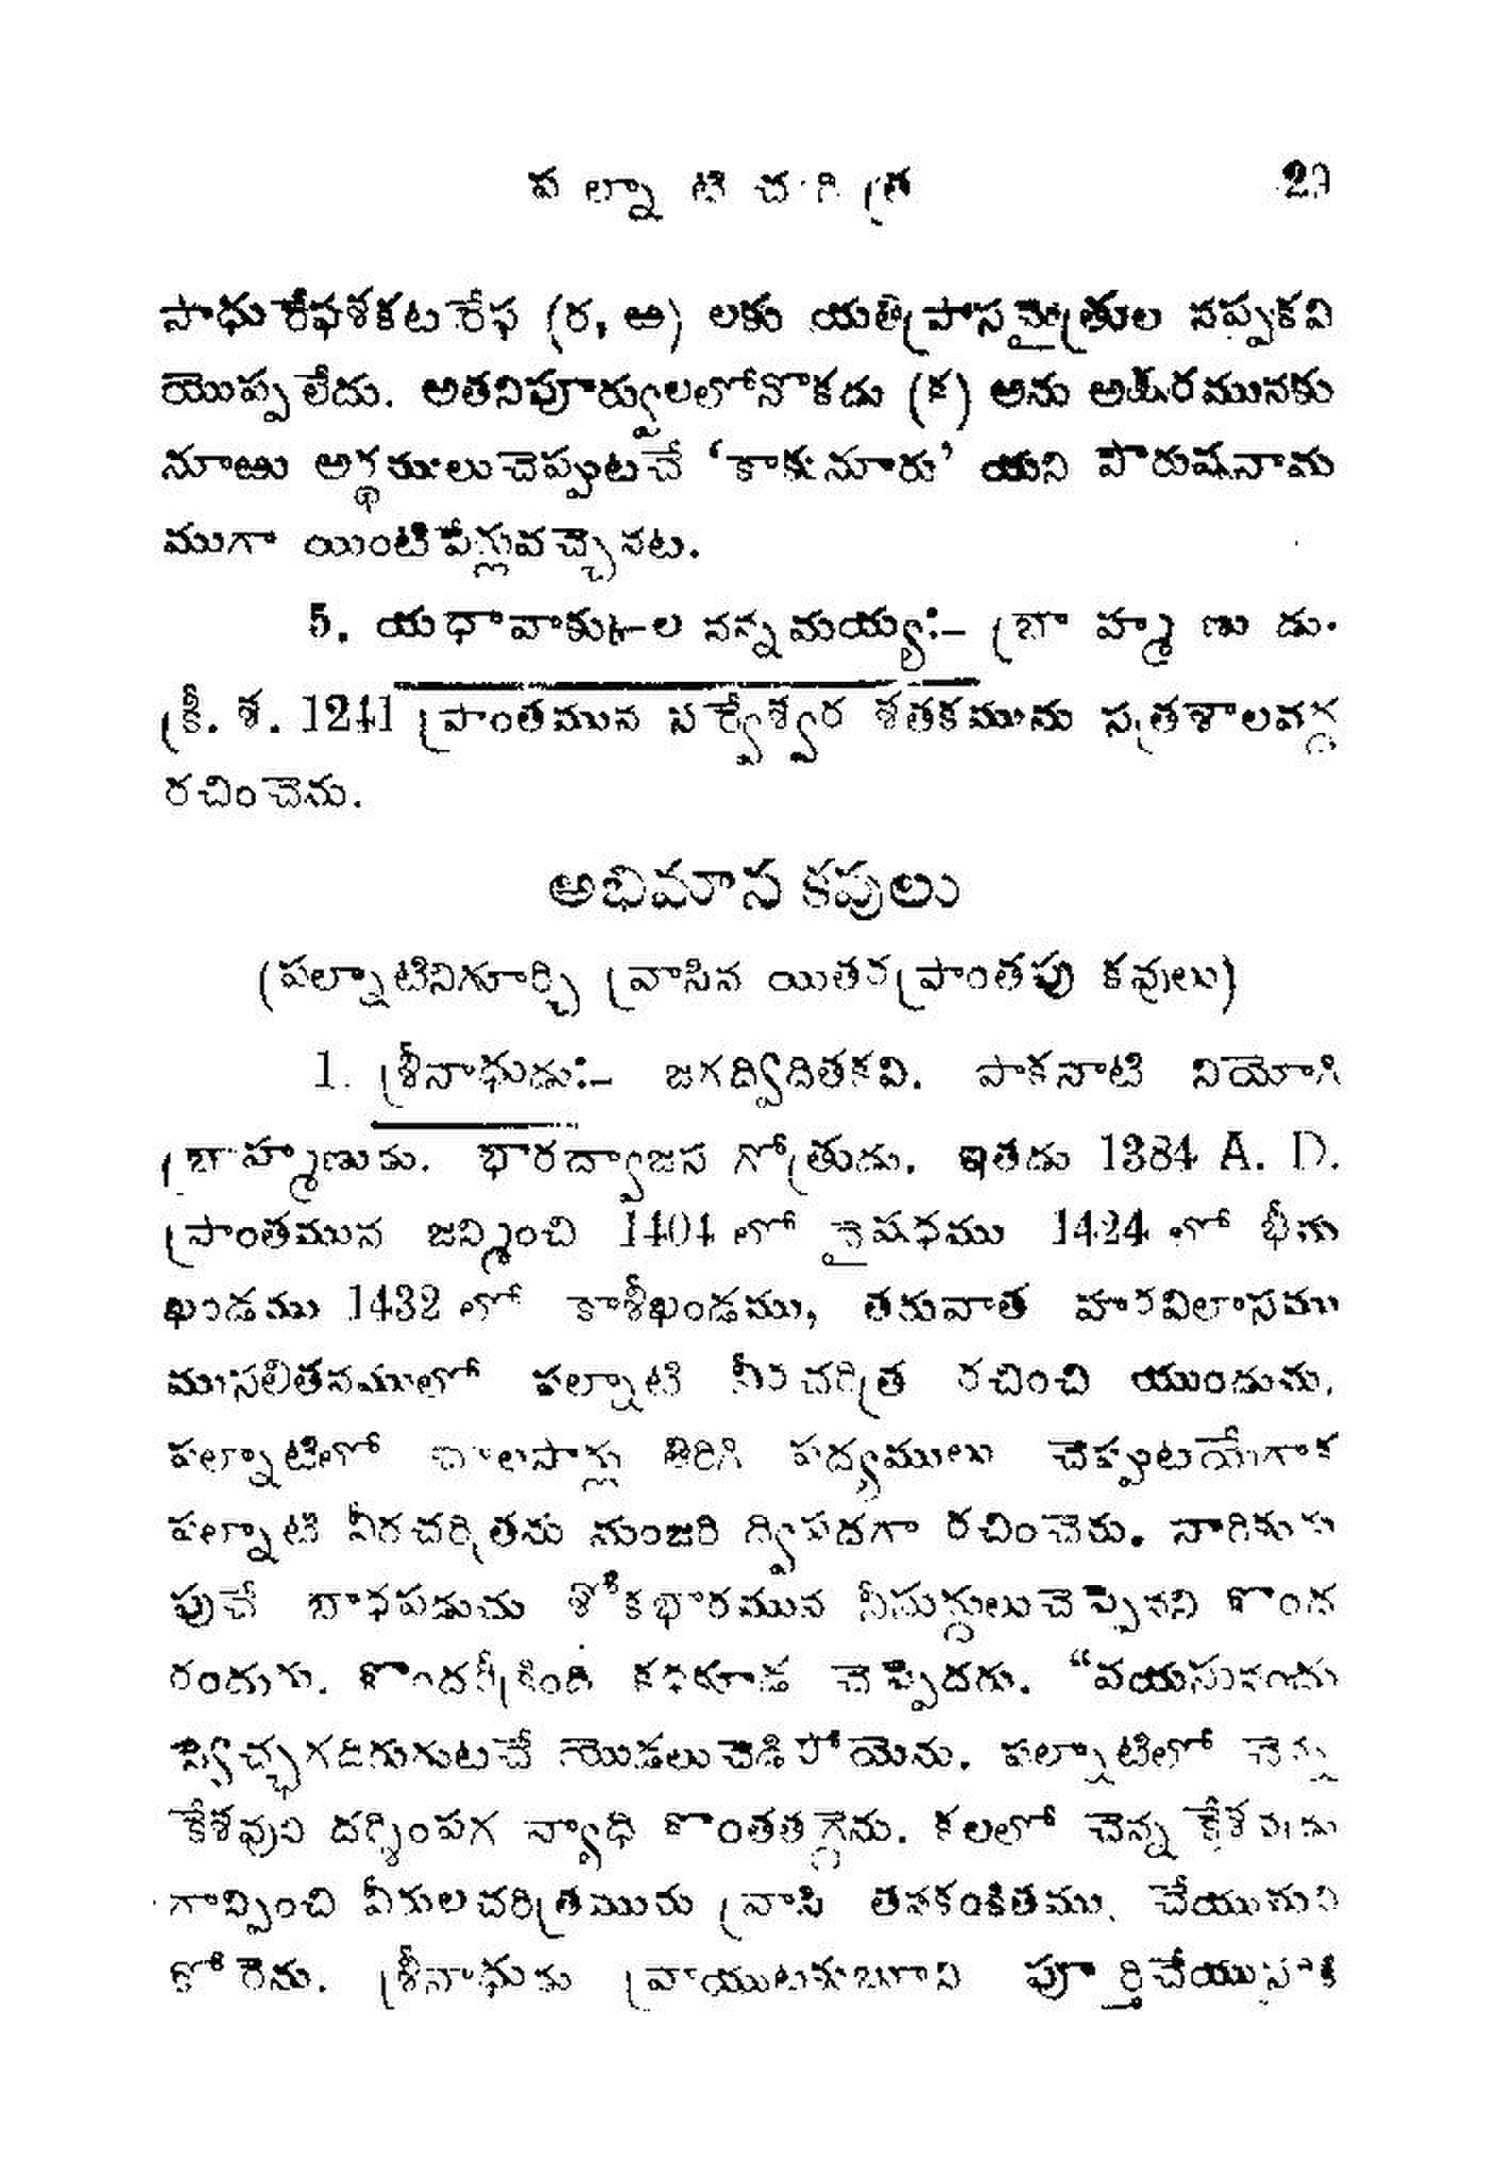సాధురేఫశకటరేఫ (ర, ఱ) లకు యతి ప్రాస మైత్రుల నప్పకవి 
యొప్పలేదు. అతనిపూర్వులలో నొకడు (క) అను అక్షరమునకు
నూఱు అర్థములు చెప్పుటచే 'కాకునూరు' యని పౌరుషనామముగా 
యింటి పేర్లువచ్చెనట.

5. యధావాక్కుల నన్నమయ్య:- బ్రాహ్మణుడు. 
క్రీ.శ.1241 ప్రాంతమున సర్వేశ్వర శతకమును సత్రశాలవద్ద 
రచించెను.

1. శ్రీనాధుడు:- జగద్విదిత కవి. పాకనాటి నియోగి
బ్రాహ్మణుడు. భారద్వాజస గోత్రుడు. ఇతడు 1384 A. D.
ప్రాంతమున జన్మించి 1404 లో వైషధము 1424 లో భీమ
ఖండము 1432 లో కాశీఖండము, తరువాత హరవిలాసము
ముసలితనములో పల్నాటి వీర చరిత్ర రచించి యుండును.
పల్నాటిలో చాలాసార్లు తిరిగి పద్యములు చెప్పుటయేగాక
పల్నాటి వీరచరిత్రను ముంజరి ద్విపదగా రచించెరు, నారికురుపుచే 
బాధపడుచు శోకభారమున నీసుద్దులు చెప్పెనని కొంద
రందురు. కొందరీక్రింది కథ కూడ చెప్పెదరు. “వయసునందు
స్వేచ్ఛగదిరుగుటచే యొడలు చెడిపోయెను. పల్నాటిలో చెన్న
కేశవుని దర్శింపగ వ్యాధి కొంతతగ్గెన.ు కలలో చెన్నకేశవుడు
గాన్పించి వీరుల చరిత్రమును వ్రాసి తనకంకితము చేయుమని
కోరెను. శ్రీనాధుడు వ్రాయుటకుబూని పూర్తిచేయు సరికి